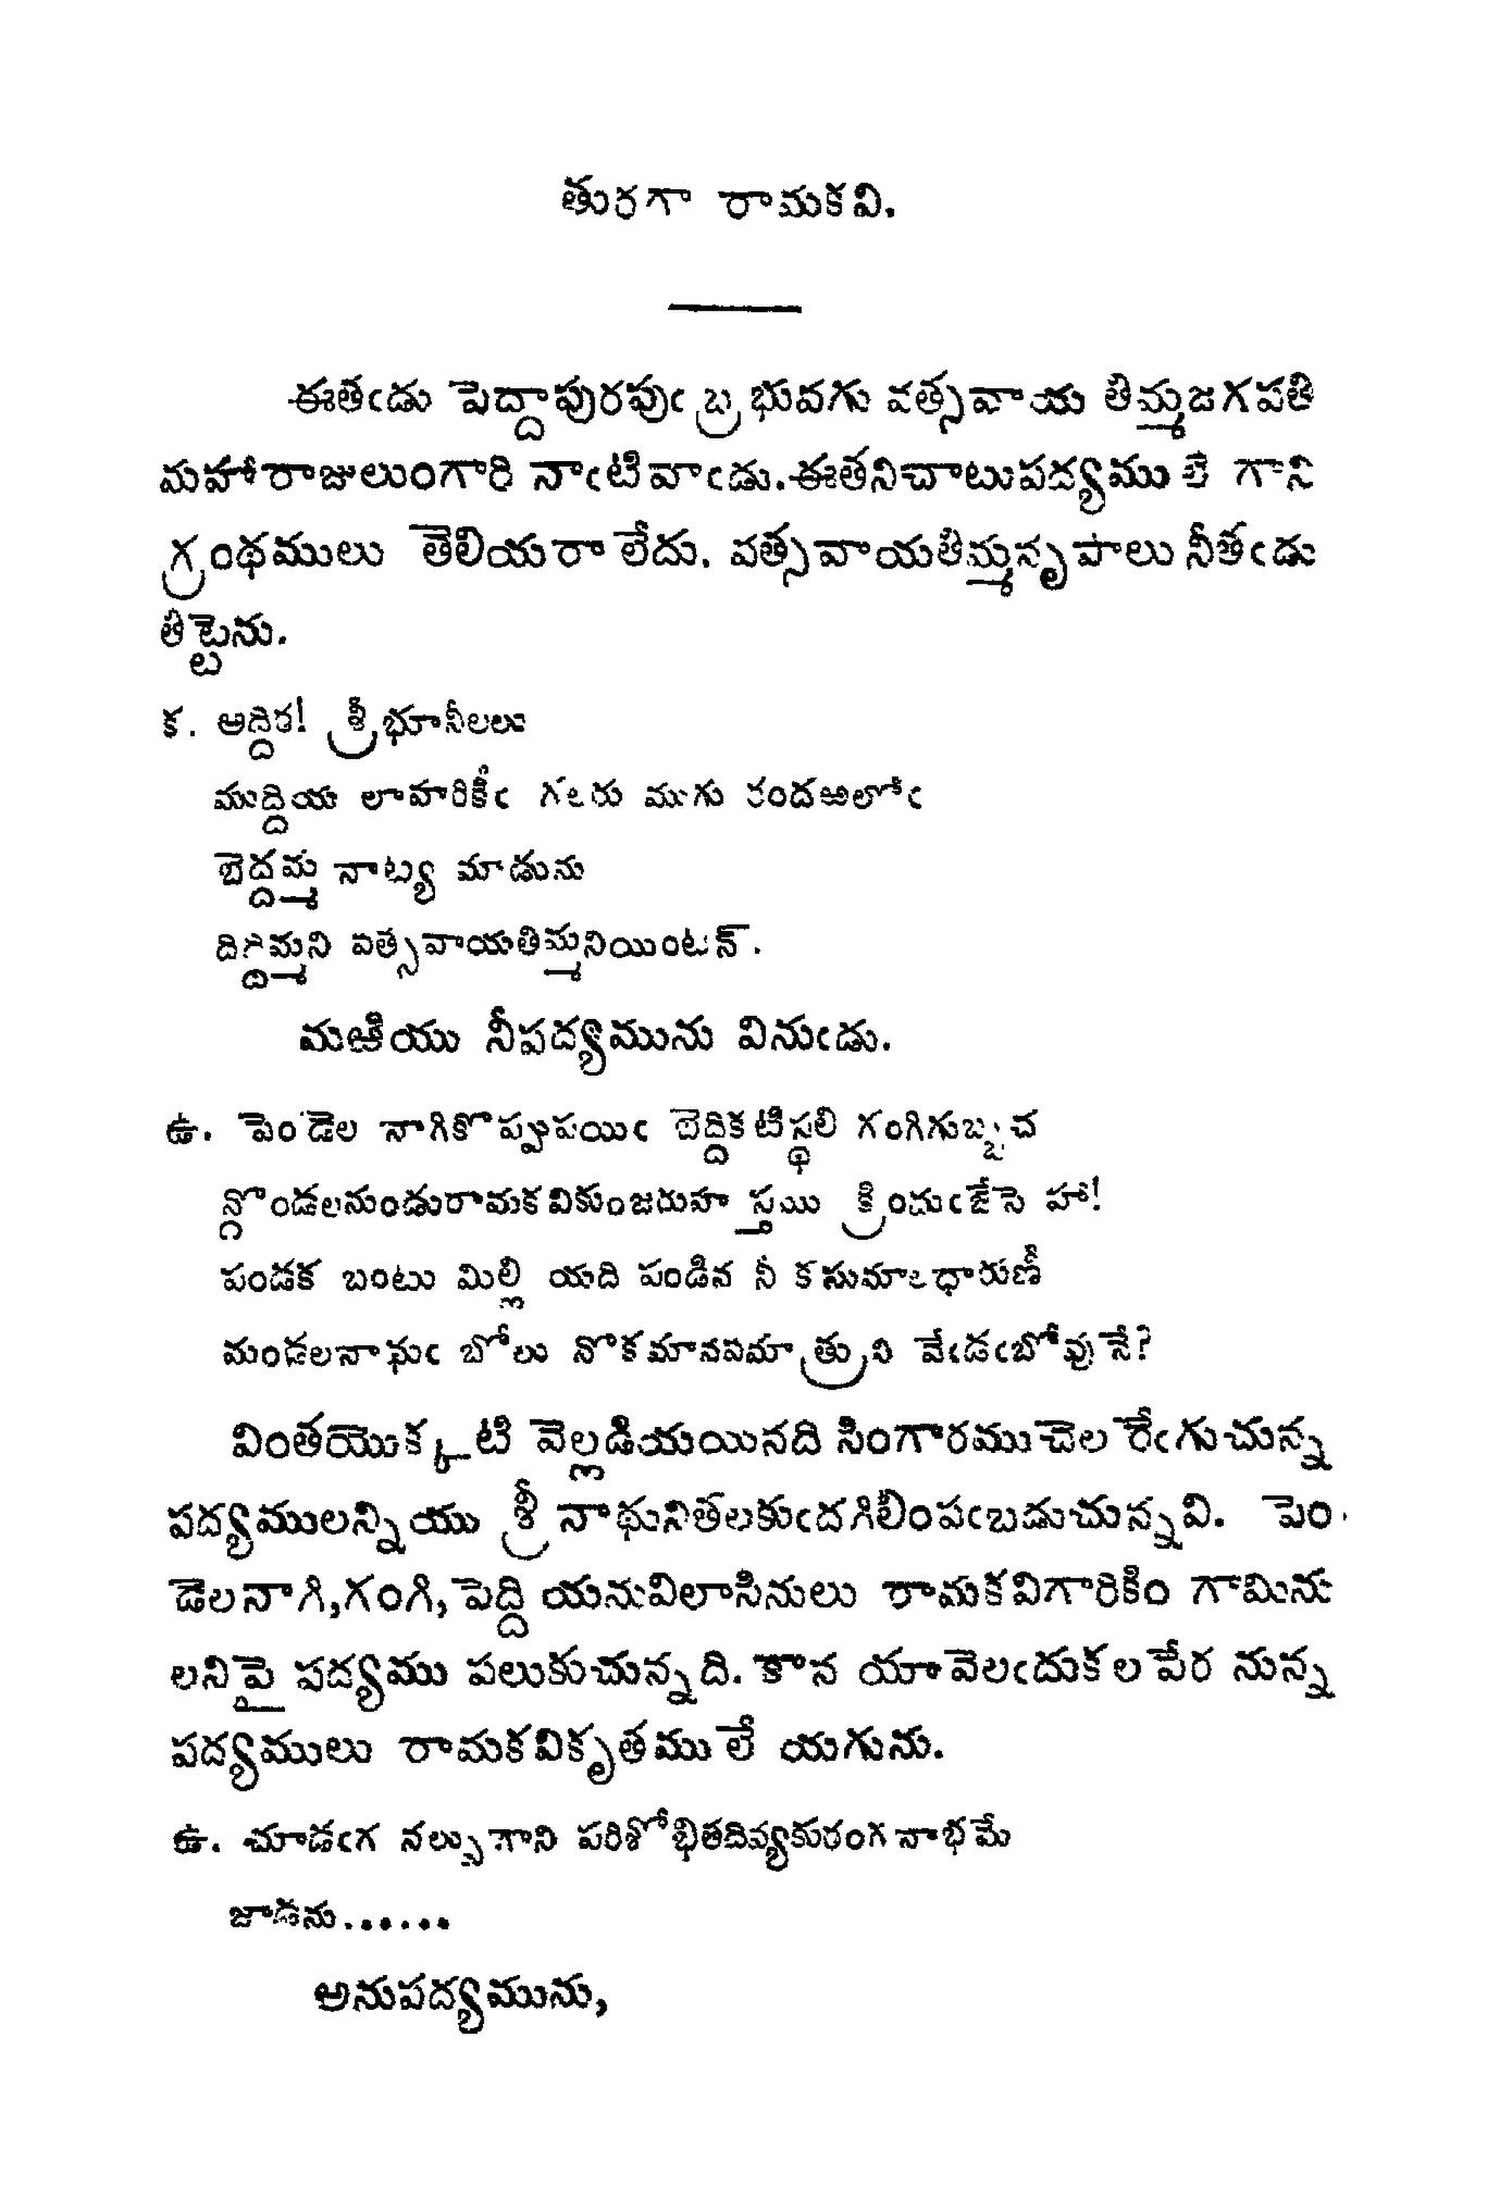ఈతఁడు పెద్దాపురపుఁబ్రభువగు వత్సవాయతిమ్మజగపతి మహారాజులుంగారి నాఁటివాఁడు. ఈతని చాటుపద్యములేగాని గ్రంథములు తెలియరాలేదు. వత్సవాయతిమ్మనృపాలు నీతఁడు తిట్టెను.
క. అద్దిర! శ్రీభూనీలలు
 ముద్దియ లాహరికిఁ గలరు ముగు రందఱలోఁ
 బెద్దమ్మ నాట్య మాడును
 దిద్దిమ్మని వత్సవాయతిమ్మనియింటన్.
మఱియు నీపద్యమును వినుఁడు.
ఉ. పెండెలనాగికొప్పుపయిఁ పెద్దికటిస్థలి గంగిగుబ్బచ
 న్గొంజలనుండు రామకవికుంజరుహస్తము క్రిందుఁ జేసె హా!
 పండక బంటు మిల్లి యది పండిన నీ కసుమాలధారుణీ
 మండలనాథుఁ బోలు నొకమానవమాత్రుని వేఁడఁబోవునే?
వింతయొక్కడి వెల్లడియయినది. సింగారము చెలరేఁగుచున్న పద్యములన్నియు శ్రీనాథునితలకుఁ దగిలింపఁబడుచున్నవి. పెండెలనాగి, గంగి, పెద్ది యనువిలాసినులు రామకవిగారికిం గామినులని పైపద్యము పలుకుచున్నది. కాన యావెలఁదుకలపేర నున్నపద్యములు రామకవికృతములే యగును.
ఉ. చూడఁగ నల్పుగాని పరిశోభితదివ్యకురంగనాభమే
 జాడను..........
అను పద్యమును,